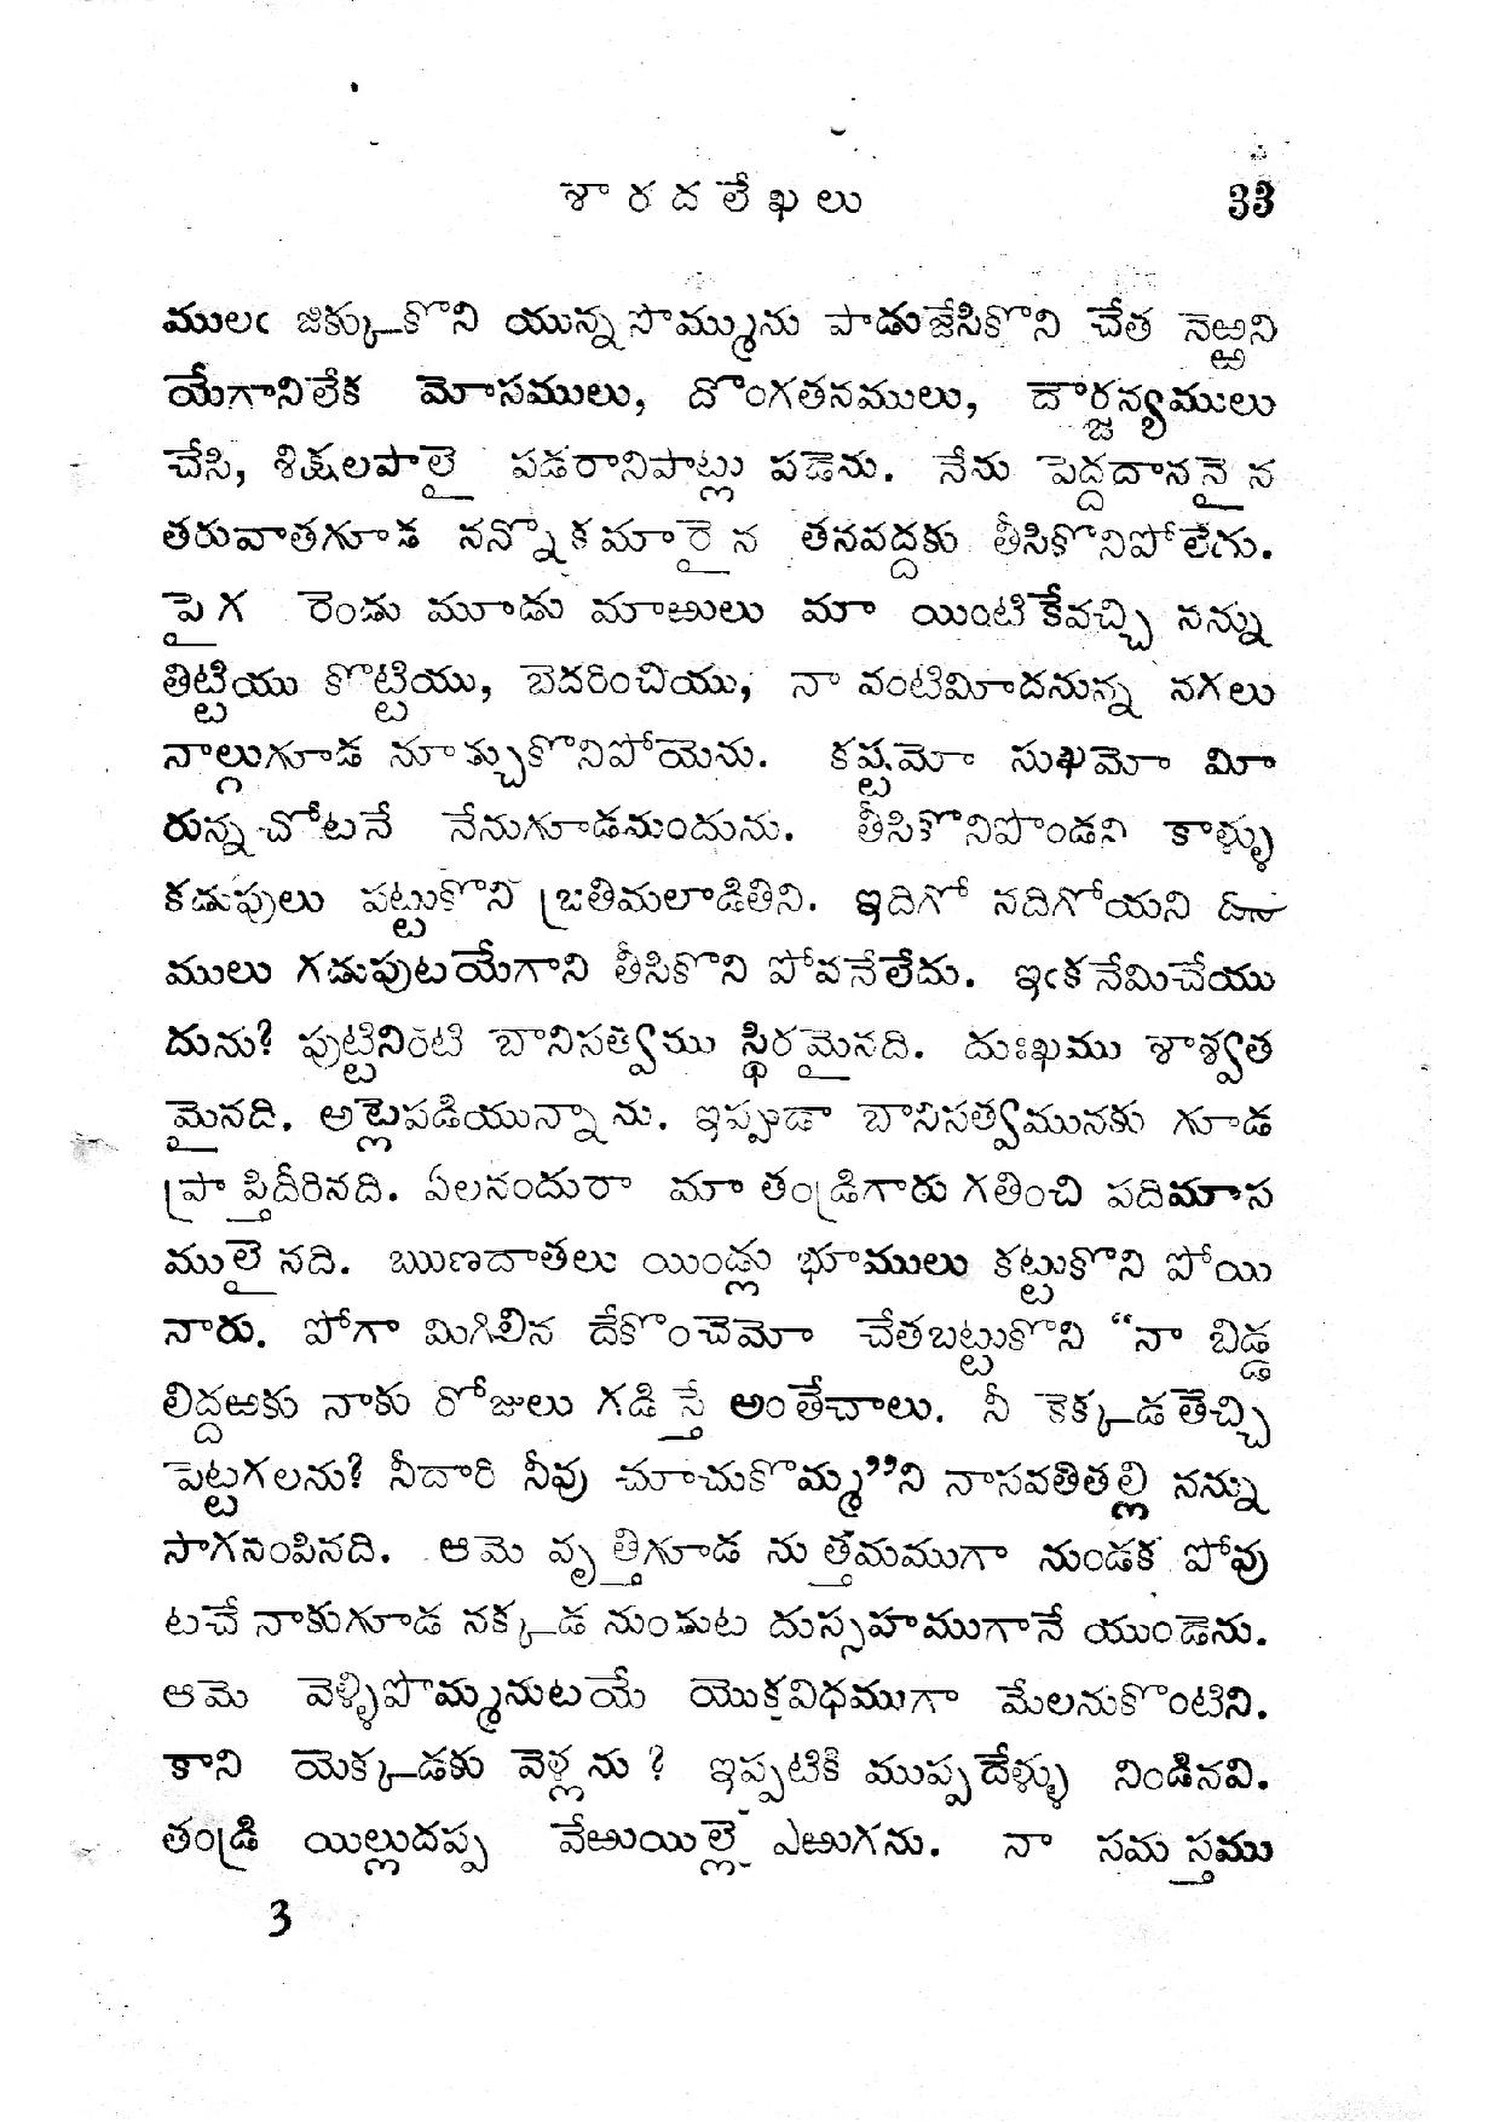ములఁ జిక్కుకొని యున్నసొమ్మును పాడుజేసికొని చేత నెఱ్ఱని యేగానిలేక మోసములు, దొంగతనములు, దౌర్జన్యములు చేసి, శిక్షలపాలై పడరానిపాట్లు పడెను. నేను పెద్దదాననైన తరువాతగూడ నన్నొకమారైన తనవద్దకు తీసికొనిపోలేదు. పైగ రెండు మూడు మాఱులు మా యింటికేవచ్చి నన్ను తిట్టియు కొట్టియు, బెదరించియు, నా వంటిమీదనున్న నగలు నాల్గుగూడ నూడ్చుకొనిపోయెను. కష్టమో సుఖమో మీరున్న చోటనే నేనుగూడనుందును. తీసికొనిపొండని కాళ్ళు కడుపులు పట్టుకొని బ్రతిమలాడితిని. ఇదిగో నదిగోయని దినములు గడుపుటయేగాని తీసికొని పోవనేలేదు. ఇఁకనేమిచేయుదును? పుట్టినింటి బానిసత్వము స్థిరమైనది. దుఃఖము శాశ్వతమైనది. అట్లెపడియున్నాను. ఇప్పుడా బానిసత్వమునకు గూడ
ప్రాప్తిదీరినది. ఏలనందురా మా తండ్రిగారు గతించి పదిమాసములైనది. ఋణదాతలు యిండ్లు భూములు కట్టుకొని పోయినారు. పోగా మిగిలిన దేకొంచెమో చేతబట్టుకొని “నా బిడ్డ లిద్దఱకు నాకు రోజులు గడిస్తే అంతేచాలు. నీ కెక్కడతెచ్చి పెట్టగలను? నీదారి నీవు చూచుకొమ్మ"ని నాసవతితల్లి నన్ను
సాగనంపినది. ఆమె వృత్తిగూడ నుత్తమముగా నుండక పోవుటచే నాకుగూడ నక్కడ నుండుట దుస్సహముగానే యుండెను. ఆమె వెళ్ళిపొమ్మనుటయే యొకవిధముగా మేలనుకొంటిని. కాని యెక్కడకు వెళ్లను ? ఇప్పటికి ముప్పదేళ్ళు నిండినవి. తండ్రి యిల్లుదప్ప వేఱుయిల్లె ఎఱుగను. నా సమస్తము